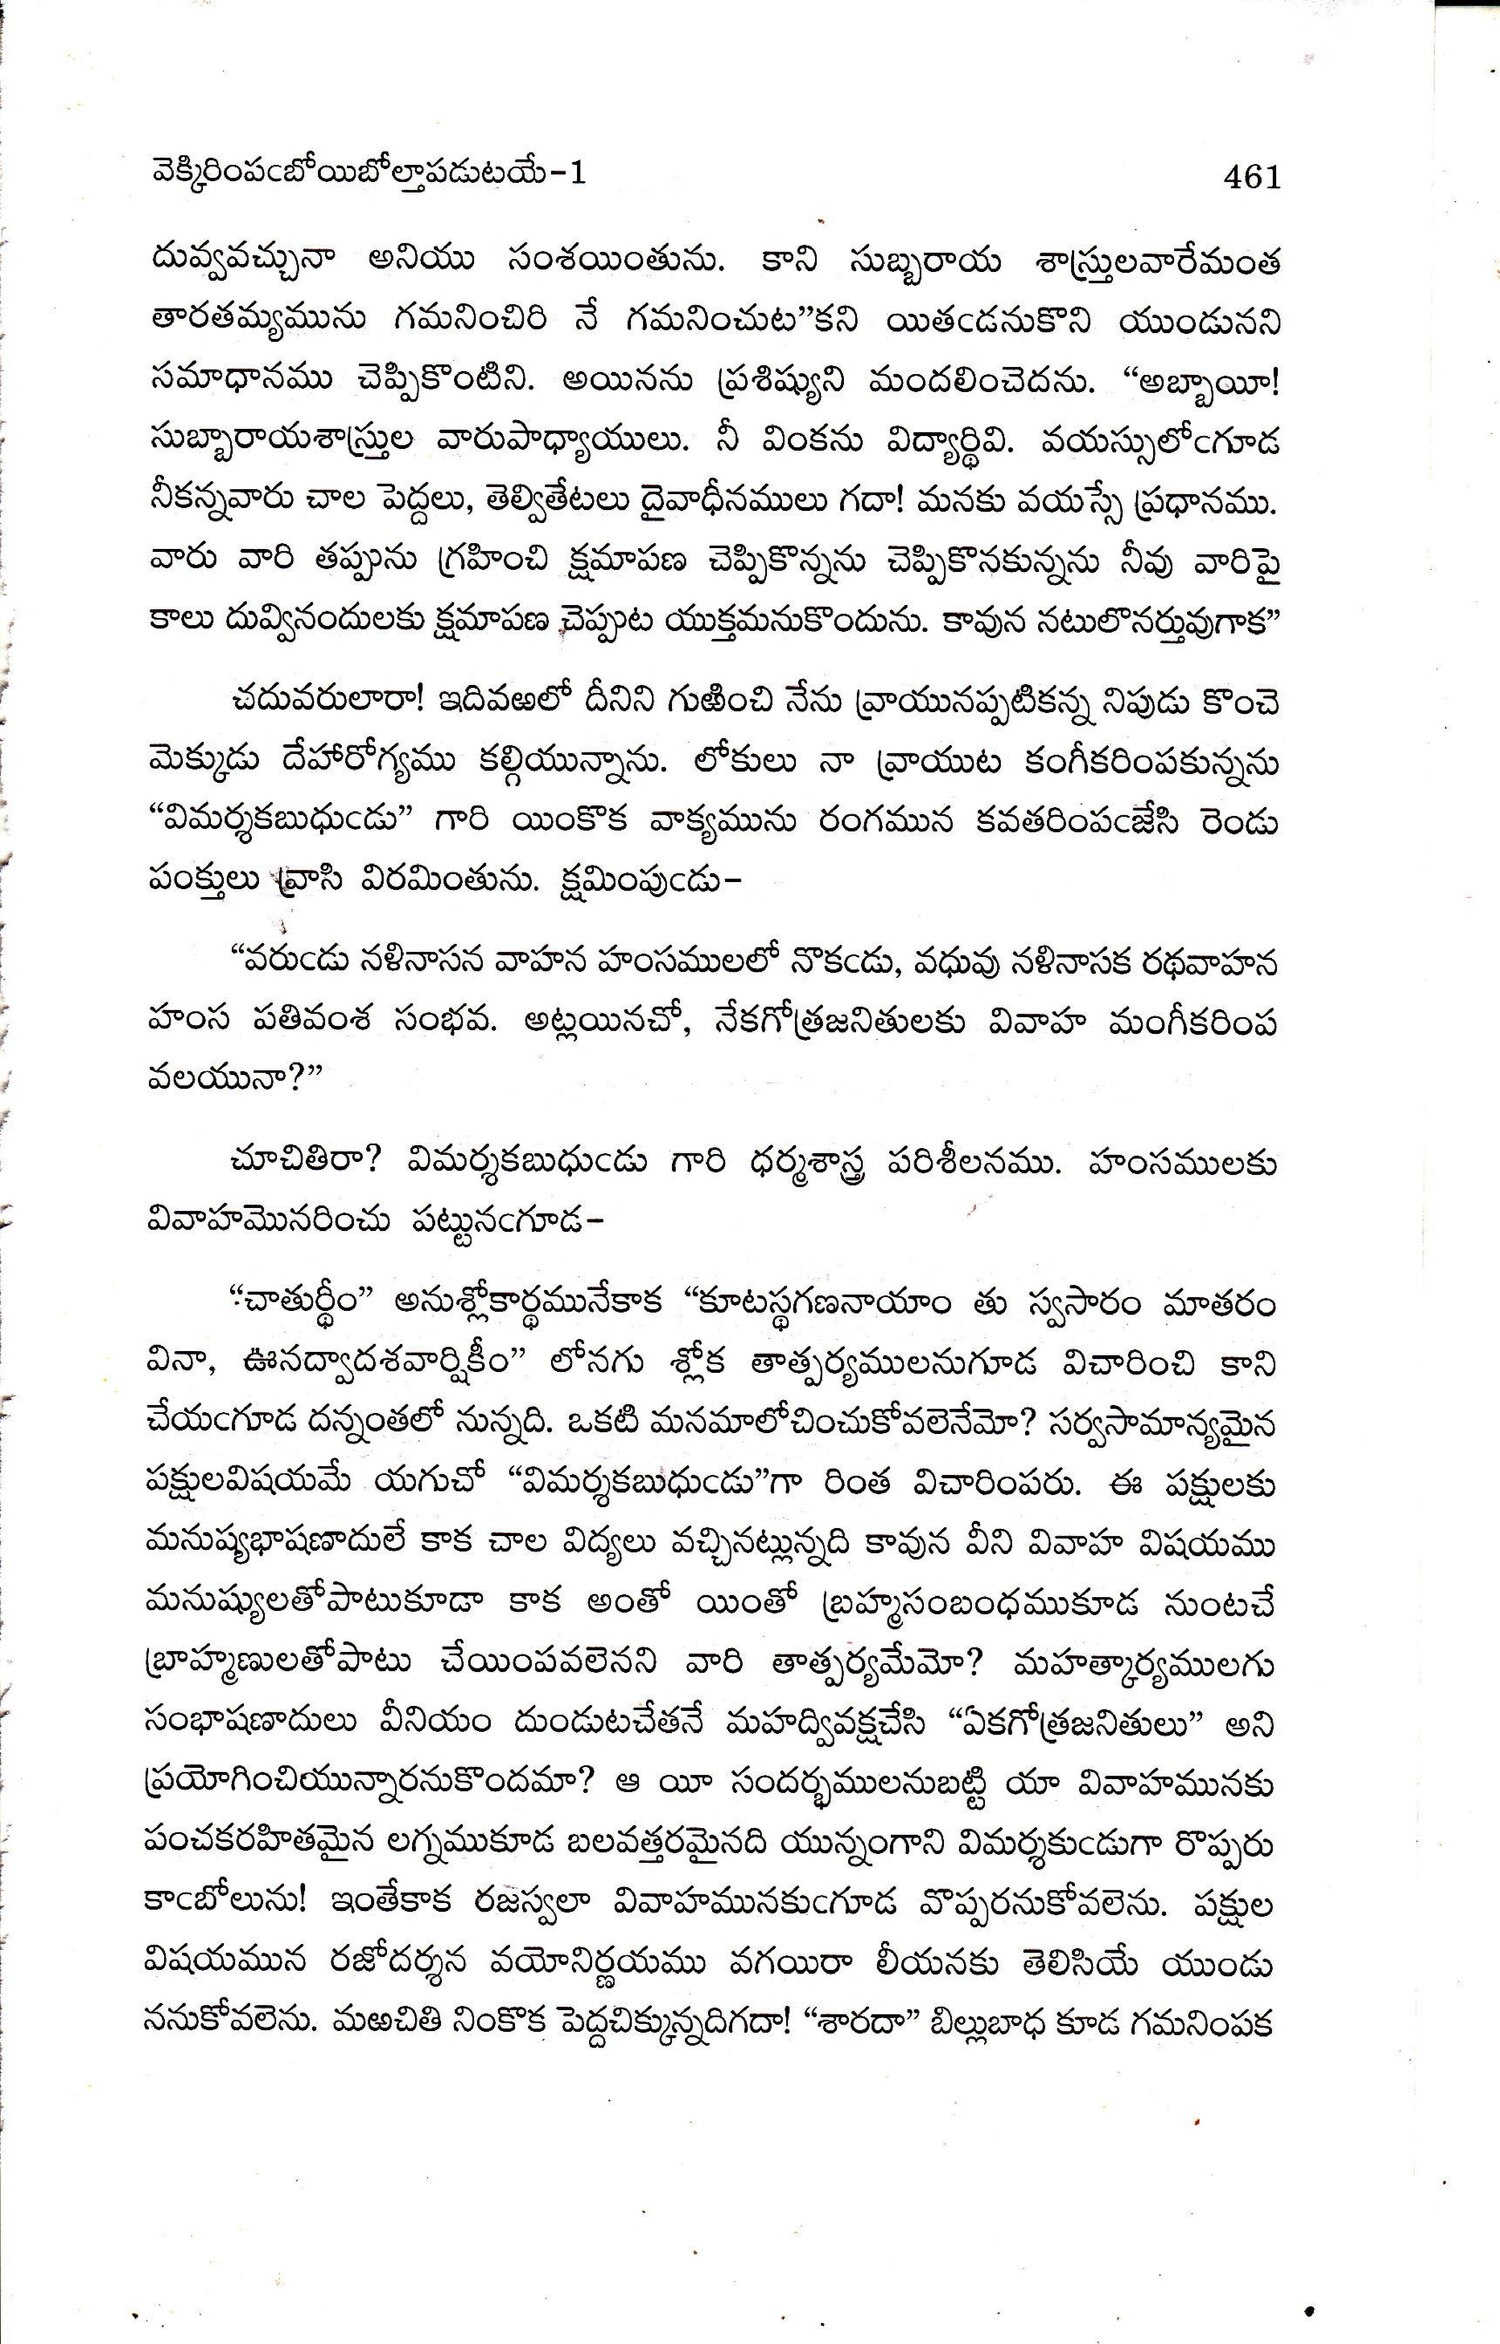దువ్వవచ్చునా అనియు సంశయింతును. కాని సుబ్బరాయ శాస్త్రులవారేమంత తారతమ్యమును గమనించిరి నే గమనించుట”కని యితఁడనుకొని యుండునని సమాధానము చెప్పికొంటిని. అయినను ప్రశిష్యుని మందలించెదను. “అబ్బాయీ! సుబ్బారాయశాస్త్రుల వారుపాధ్యాయులు. నీ వింకను విద్యార్థివి. వయస్సులోఁగూడ నీకన్నవారు చాల పెద్దలు, తెల్వితేటలు దైవాధీనములు గదా! మనకు వయస్సే ప్రధానము. వారు వారి తప్పును గ్రహించి క్షమాపణ చెప్పికొన్నను చెప్పికొనకున్నను నీవు వారిపై కాలు దువ్వినందులకు క్షమాపణ చెప్పుట యుక్తమనుకొందును. కావున నటులొనర్తువుగాక"

చదువరులారా! ఇదివఱలో దీనిని గుఱించి నేను వ్రాయునప్పటికన్న నిపుడు కొంచె మెక్కుడు దేహారోగ్యము కల్గియున్నాను. లోకులు నా వ్రాయుట కంగీకరింపకున్నను “విమర్శకబుధుఁడు" గారి యింకొక వాక్యమును రంగమున కవతరింపఁజేసి రెండు పంక్తులు వ్రాసి విరమింతును. క్షమింపుఁడు-

"వరుఁడు నళినాసన వాహన హంసములలో నొకఁడు, వధువు నళినాసక రథవాహన హంస పతివంశ సంభవ. అట్లయినచో, నేకగోత్రజనితులకు వివాహ మంగీకరింప వలయునా?”

చూచితిరా? విమర్శకబుధుఁడు గారి ధర్మశాస్త్ర పరిశీలనము. హంసములకు వివాహమొనరించు పట్టునఁగూడ- 

"చాతుర్థీం" అనుశ్లోకార్ధమునేకాక "కూటస్థగణనాయాం తు స్వసారం మాతరం వినా, ఊనద్వాదశవార్షికీం” లోనగు శ్లోక తాత్పర్యములనుగూడ విచారించి కాని చేయఁగూడ దన్నంతలో నున్నది. ఒకటి మనమాలోచించుకోవలెనేమో? సర్వసామాన్యమైన పక్షులవిషయమే యగుచో “విమర్శకబుధుఁడు"గా రింత విచారింపరు. ఈ పక్షులకు మనుష్యభాషణాదులే కాక చాల విద్యలు వచ్చినట్లున్నది కావున వీని వివాహ విషయము మనుష్యులతోపాటుకూడా కాక అంతో యింతో బ్రహ్మసంబంధముకూడ నుంటచే బ్రాహ్మణులతోపాటు చేయింపవలెనని వారి తాత్పర్యమేమో? మహత్కార్యములగు సంభాషణాదులు వీనియం దుండుటచేతనే మహద్వివక్షచేసి “ఏకగోత్రజనితులు" అని ప్రయోగించియున్నారనుకొందమా? ఆ యీ సందర్భములనుబట్టి యా వివాహమునకు పంచకరహితమైన లగ్నముకూడ బలవత్తరమైనది యున్నంగాని విమర్శకుఁడుగా రొప్పరు కాఁబోలును! ఇంతేకాక రజస్వలా వివాహమునకుఁగూడ వొప్పరనుకోవలెను. పక్షుల విషయమున రజోదర్శన వయోనిర్ణయము వగయిరా లీయనకు తెలిసియే యుండు ననుకోవలెను. మఱచితి నింకొక పెద్దచిక్కున్నదిగదా! "శారదా" బిల్లుబాధ కూడ గమనింపక